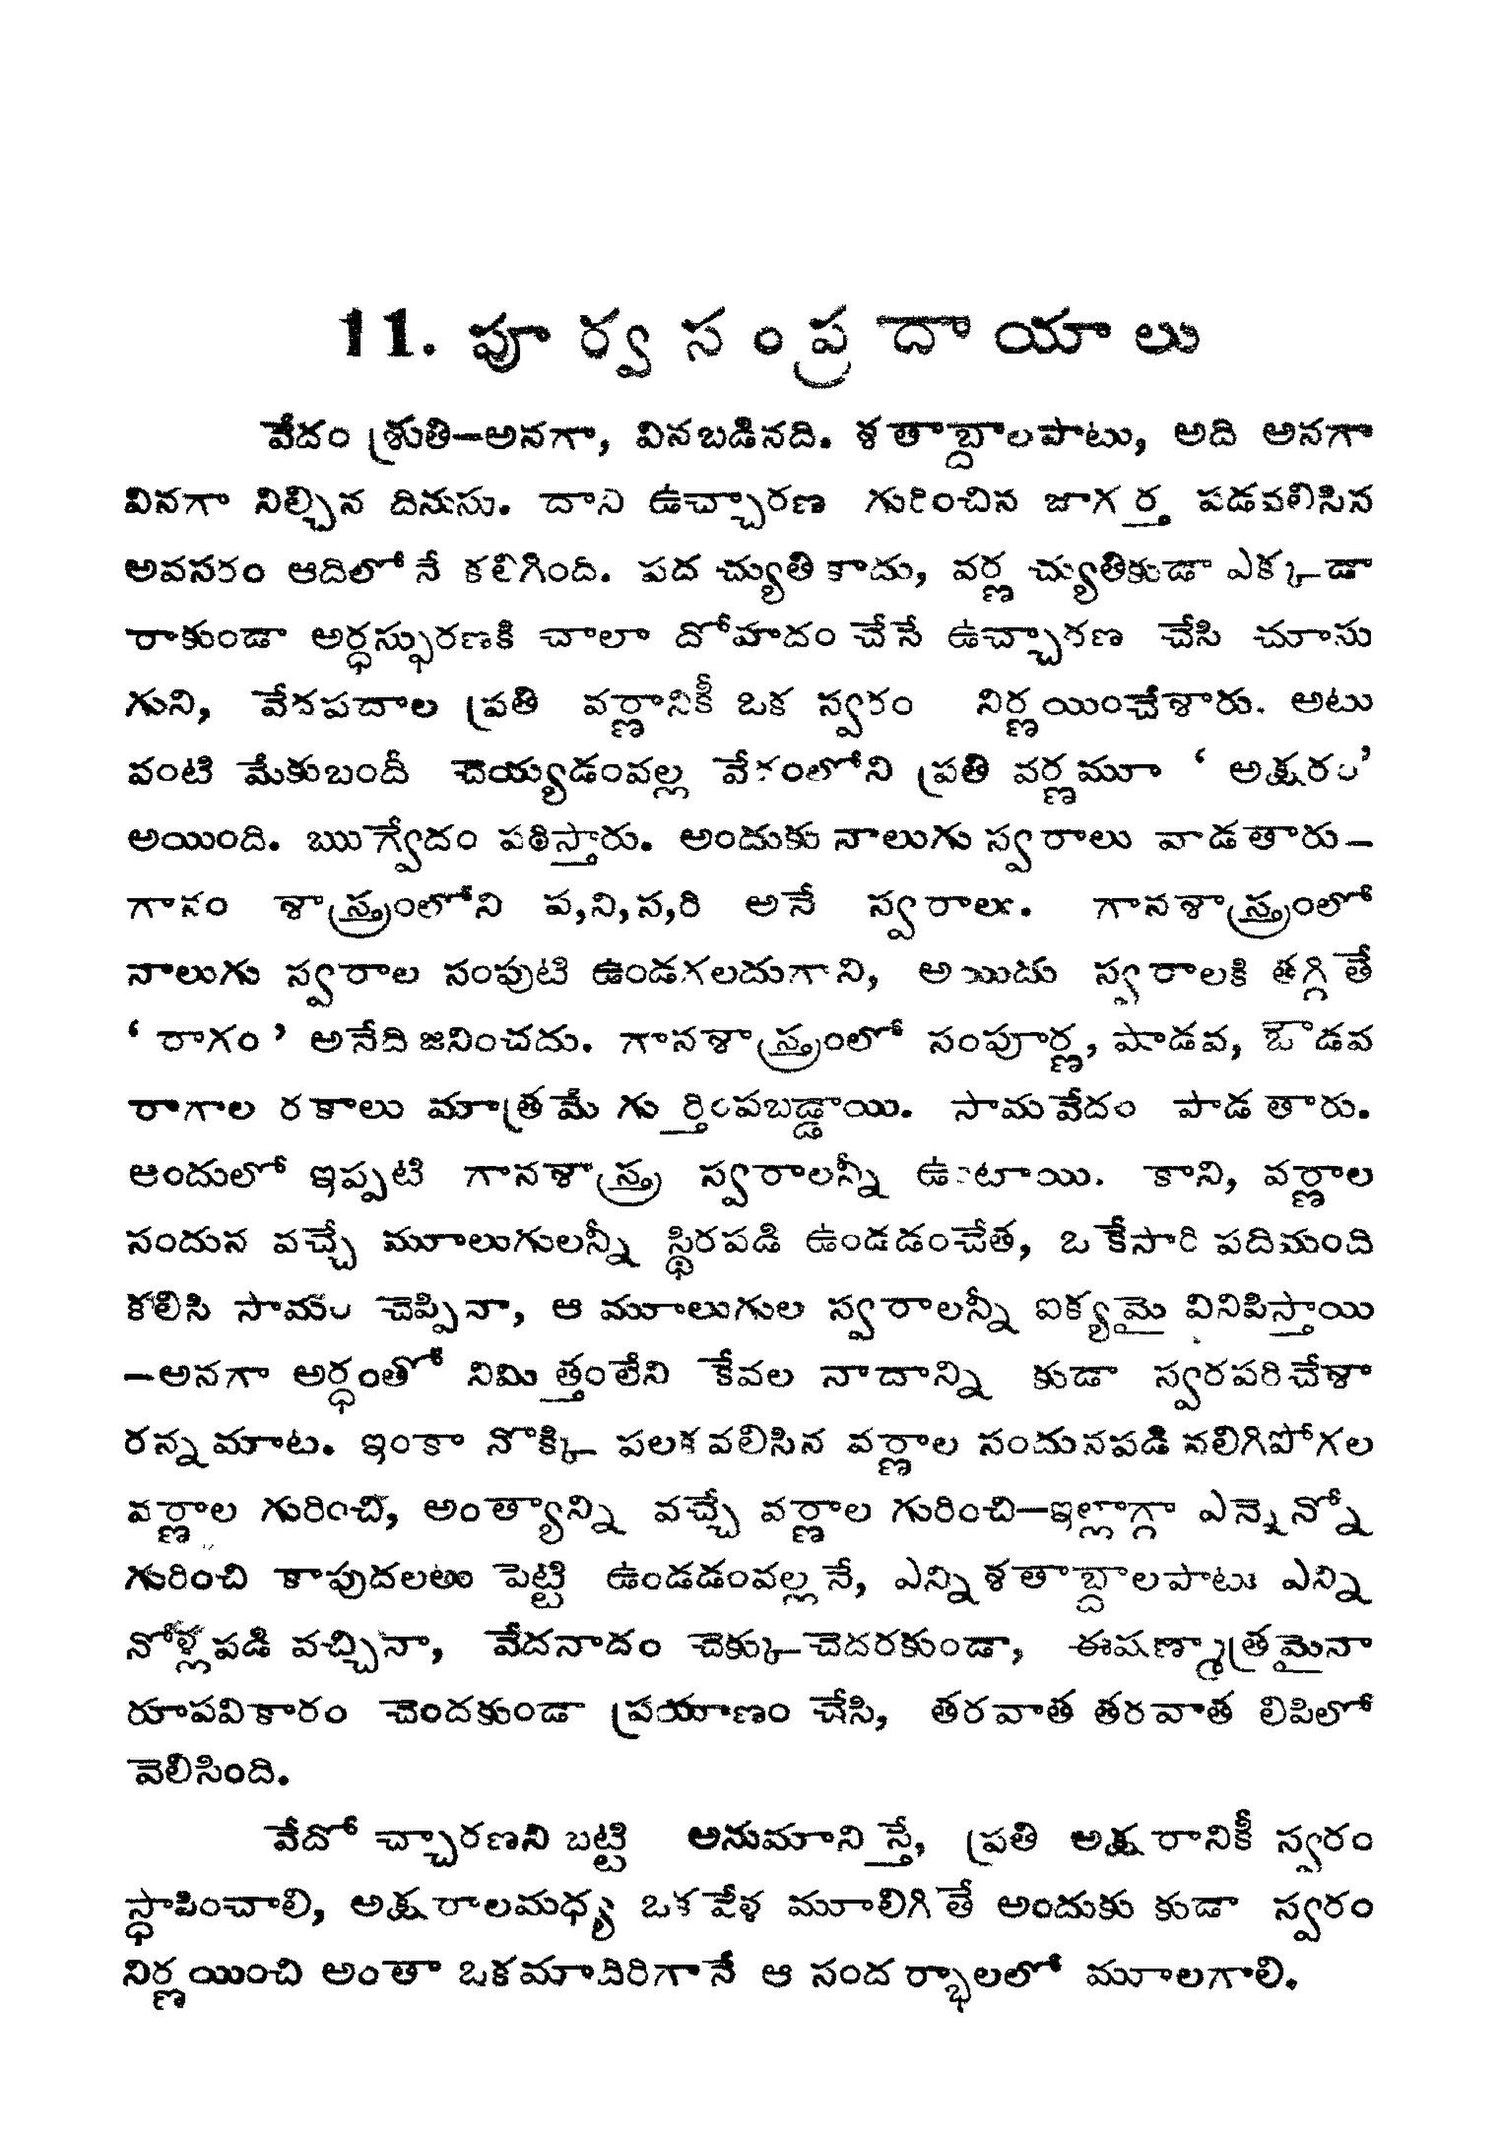11. పూర్వ సంప్రదాయాలు

వేదం శ్రుతి - అనగా, వినబడినది. శతాబ్దాలపాటు, అది అనగా
వినగా నిల్చిన దినుసు. దాని ఉచ్చారణ గురించిన జాగర్త పడవలిసిన
అవసరం ఆదిలోనే కలిగింది. పద చ్యుతి కాదు, వర్ణ చ్యుతికుడా ఎక్కడా
రాకుండా అర్ధస్ఫురణకి చాలా దోహదం చేసే ఉచ్చారణ చేసి చూసు
గుని, వేదపదాల ప్రతి వర్ణానికీ ఒక స్వరం నిర్ణయించేశారు. అటు
వంటి మేకుబందీ చెయ్యడంవల్ల వేదంలోని ప్రతి వర్ణమూ ' అక్షరం '
అయింది. ఋగ్వేదం పఠిస్తారు. అందుకు నాలుగు స్వరాలు వాడతారు —
గానం శాస్త్రంలోని ప,ని, స,రి అనే స్వరాలు గానశాస్త్రంలో
నాలుగు స్వరాల సంపుటి ఉండగలదుగాని, అయిదు స్వరాలకి తగ్గితే
' రాగం ' అనేది జనించదు. గానశాస్త్రంలో సంపూర్ణ, షాడవ, ఔడవ
రాగాల రకాలు మాత్రమే గుర్తింపబడ్డాయి. సామవేదం పాడ తారు.
అందులో ఇప్పటి గానశాస్త్ర స్వరాలన్నీ ఉంటాయి. కాని, వర్ణాల
సందున వచ్చే మూలుగులన్నీ స్థిరపడి ఉండడంచేత, ఒకేసారి పదిమంది
కలిసి సామం చెప్పినా, ఆ మూలుగులు స్వరాలన్నీ ఐక్యమై వినిపిస్తాయి
– అనగా అర్ధంతో నిమిత్తంలేని కేవల నాదాన్ని కుడా స్వరపరిచేశా
రన్నమాట. ఇంకా నొక్కి పలక వలిసిన వర్ణాల నందునపడి నలిగిపోగల
వర్ణాల గురించి, అంత్యాన్ని వచ్చే వర్ణాల గురించి – ఇల్లాగ్గా ఎన్నెన్నో
గురించి కాపుదలలు పెట్టి ఉండడంవల్లనే, ఎన్నిశతాబ్దాలపాటు ఎన్ని
నోళ్లపడి వచ్చినా, వేదనాదం చెక్కు చెదరకుండా, ఈషణ్మాత్రమైనా
రూపవికారం చెందకుండా ప్రయాణం చేసి, తరువాత తరువాత లిపిలో
వెలిసింది.

వేదో చ్చారణని బట్టి అనుమానిస్తే, ప్రతి అక్షరానికీ స్వరం
స్థాపించాలి, అక్షరాలమధ్య ఒక వేళ మూలిగితే అందుకు కుడా స్వరం
నిర్ణయించి అంతా ఒకమాదిరిగానే ఆ సందర్భాలలో మూలగాలి.